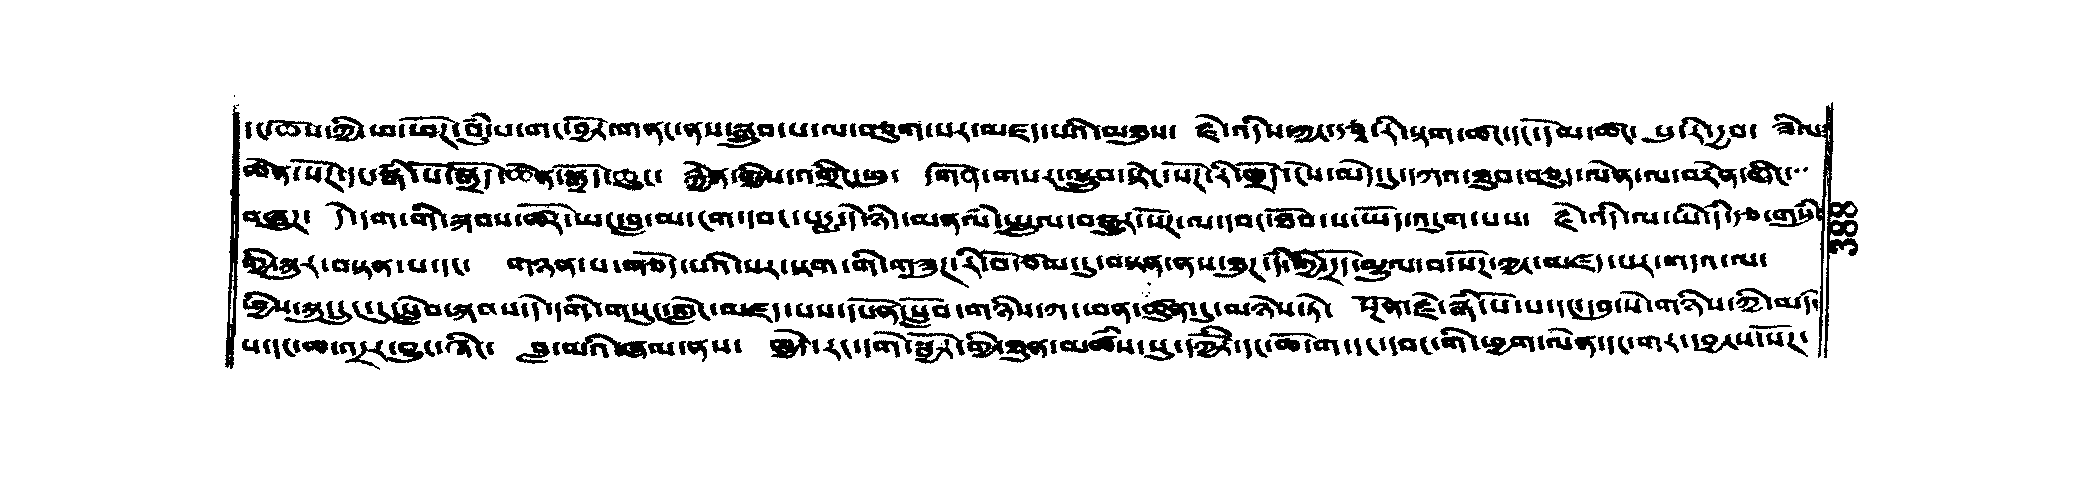དང་ཆོས་ཀྱི་ཕ་ཕོགས་བུམ་པ་གང་བྱོར་གནང་ནས་སྒྲུབ་པ་ལ་བཅུག་པར་མཛད་པའི་མཐུས། རྗེ་འདིས་ཀྱང་རྩྭ་རི་སྟག་ཚང་དང་དོམ་ཚང་། པུ་རི་རྒྱབ། ཟིལ་
ཆེན་སོགས་དང་སྒམ་པོ་སྒྲོད་ཆེན་སྒྲོད་ཆུང་། རྐྱེན་གྱི་འགྲིང་ཕུ། དགོན་གསར་ལྷུན་གྲུབ་སྟེང་སོགས་རི་ཁྲོད་ངེས་མེད་དུ་དཀའ་ཐུབ་བཅུད་ལེན་ལ་བརྟེན་ཞིང་
བཞུགས། དེ་དག་གི་སྐབས་ཚོར་ཡང་བླ་མ་ངག་དབང་པདྨ་དེ་ཉིད་མནལ་ལམ་སྤྲུལ་བསྒྱུར་སོགས་ལ་དབང་ཐོབ་པ་ཡོད་འདུག་པས།རྗེ་འདི་ལ་ཡི་དམ་རྩ་གསུམ་
གྱི་སྐུར་བསྟན་པ་དང་། གཉན་ས་གཅོད་པའི་སར་སྟག་གི་གཟུགས་རི་བོ་ཙམ་དུ་བསྟན་ནས་ཐུགས་དམ་གྱི་དྲོད་མྱུལ་བ་སོགས་ཀྱང་མཛད་པར་གདའ་ལ་
ཕྱིས་སྐུ་དྲུང་དུ་སླེབ་སྐབས་དེ་དག་གི་གསུང་གླེང་མཛད་པས་དཔོན་སློབ་གཉིས་ཀ་ཕན་ཚུན་དུ་མཉེས་ཏེ། སྔོན་རྗེ་སྒམ་པོ་པ་དང་དབུ་སེ་གཉིས་ཀྱི་མཛད་
པ་དང་ཆ་འདྲར་བྱུང་ཞིང་། བླ་མའི་ཞལ་ནས། ཁྱེད་རང་དགེ་སྦྱོར་གྱི་ཐུན་མཚམས་སུ་དཀྱིལ་འཁོར་དང་ཆོ་ག་དང་དབང་གི་ཕྱག་ལེན་དང་གར་དབྱངས་སོགས་